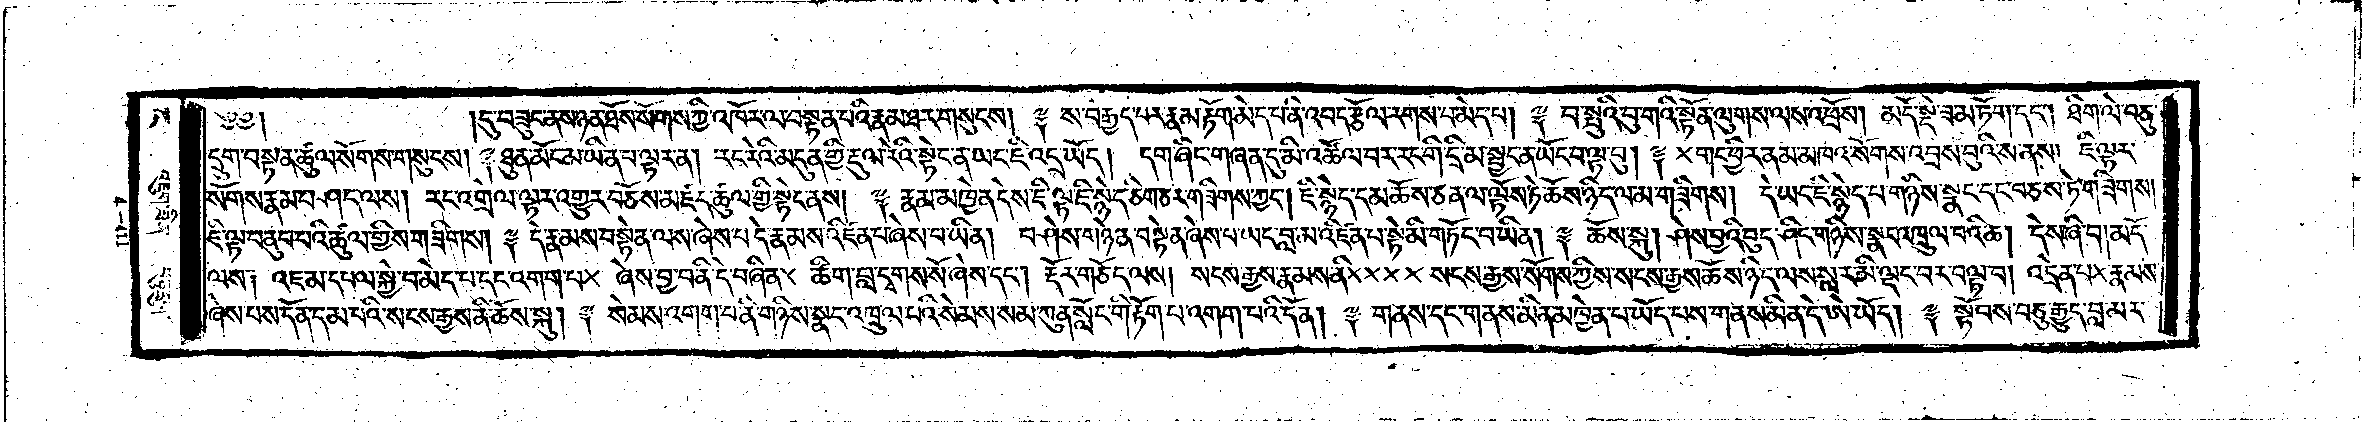༄༅། །དུ་བཟུང་ནས་ཉན་ཐོས་སོགས་ཀྱི་འཁོར་ལ་བསྟན་པའི་རྣམ་ཐར་གསུངས། ༈ ས་བརྒྱད་པར་རྣམ་རྟོག་མེད་པ་ནི་འབད་རྩོལ་རགས་པ་མེད་པ། ༈ བ་སྤུའི་བུ་གའི་སྟོན་ལུགས་ལས་འཕྲོས། མདོ་སྡེ་ཟ་མ་ཏོག་དང་། ཐིག་ལེ་བཅུ་
དྲུག་བསྟན་ཚུལ་སོགས་གསུངས། ༈ ཐུན་མོང་མ་ཡིན་པ་ལྟར་ན། རང་རེའི་མདུན་གྱི་རྡུལ་རེའི་སྟེང་ན་ཡང་ཇི་འདྲ་ཡོད། དག་ཞིང་གཞན་དུ་མི་འཚོལ་བར་རང་གི་དྲི་མ་སྦྱང་ན་ཡོང་བ་ལྟ་བུ། ༈ ྾་གང་ཕྱིར་ནམ་མཁའ་སོགས་འབྲས་བུའི་ས་ནས། ཇི་ལྟར་
སོགས་རྣམ་བཤད་ལས། རང་འགྲེལ་ལྟར་འགྱུར་བཅོས་མཛད་ཚུལ་གྱི་སྟེང་ནས། ༈ རྣམ་མཁྱེན་དེས་ཇི་ལྟ་ཇི་སྙེད་ཅིག་ཅར་གཟིགས་ཀྱང་། ཇི་སྙེད་དམ་ཆོས་ཅན་ལ་ལྟོས་ཏེ་ཆོས་ཉིད་ལ་མ་གཟིགས། དེ་ཡང་ཇི་སྙེད་པ་གཉིས་སྣང་དང་བཅས་ཏེ་གཟིགས།
ཇི་ལྟ་བ་ནུབ་པའི་ཚུལ་གྱིས་གཟིགས། ༈ དེ་རྣམས་བསྟེན་ལས་ཞེས་པ་དེ་རྣམས་འཛིན་པ་ཞེས་པ་ཡིན། བཤེས་གཉེན་བསྟེན་ཞེས་པ་ཡང་བླ་མ་འཛིན་པ་སྟེ་མི་གཏོང་བ་ཡིན། ༈ ཆོས་སྐུ། ཤེས་བྱའི་བུད་ཤིང་གཉིས་སྣང་འཁྲུལ་བའི་ཆ། དེས་ཞི་བ། མདོ་
ལས༑ འཇམ་དཔལ་སྐྱེ་བ་མེད་པ་དང་འགག་པ་྾་ཞེས་བྱ་བ་ནི་དེ་བཞིན་྾་ཚིག་བླ་དྭགས་སོ་ཞེས་དང་། རྡོར་གཅོད་ལས། སངས་རྒྱས་རྣམས་ནི་྾་྾་྾་྾་སངས་རྒྱས་སོགས་ཀྱིས་སངས་རྒྱས་ཆོས་ཉིད་ལས་སླར་མི་ལྡང་བར་བལྟ་བ། འདྲེན་པ་྾་རྣམས་
ཞེས་པས་དོན་དམ་པའི་སངས་རྒྱས་ནི་ཆོས་སྐུ། ༈ སེམས་འགག་པ་ནི་གཉིས་སྣང་འཁྲུལ་པའི་སེམས་སམ་ཀུན་སློང་གི་རྟོག་པ་འགག་པའི་དོན། ༈ གནས་དང་གནས་མིན་མཁྱེན་པ་ཡོད་པས་གནས་མིན་དེ་ཨེ་ཡོད། ༈ སྟོབས་བཅུ་རྒྱུད་བླ་མར་